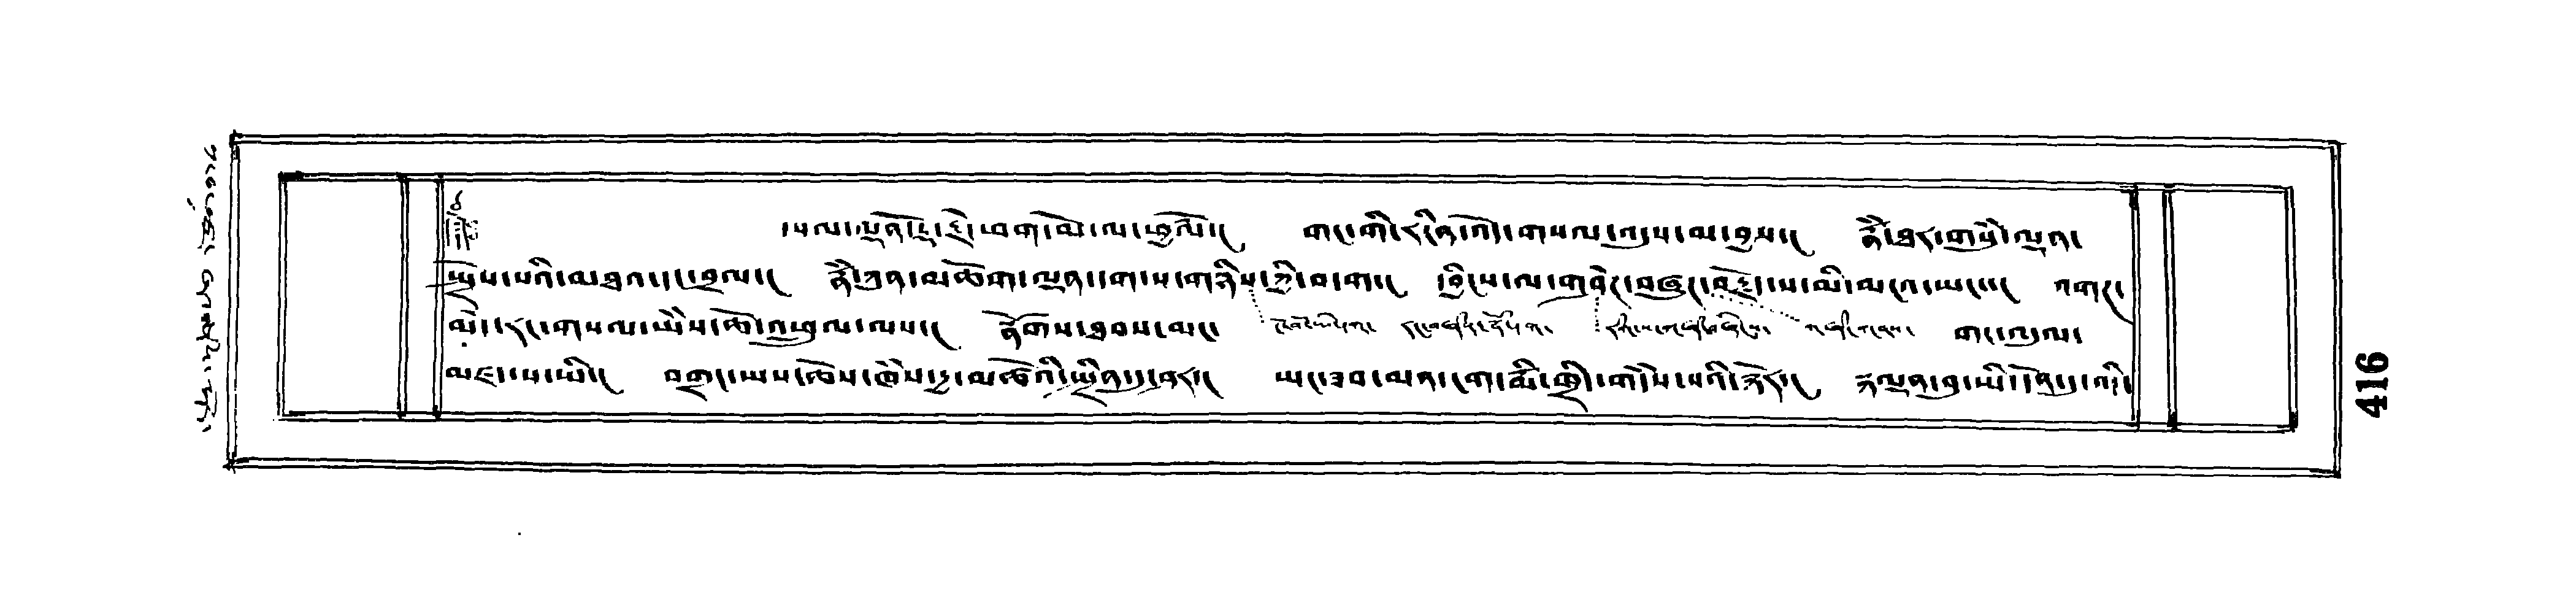དཔལ་ལྡན་རྡོ་རྗེ་ཕག་མོ་ལ་ཕྱག་འཚལ་ལོ། གང་གི་རང་བཞིན་འོད་གསལ་འདུས་མ་བྱས། །རྣམ་ཐར་གསུམ་ལྡན་
སྤྲོས་པའི་མཐའ་དང་བྲལ། །རྣམ་ཀུན་མཆོག་ལྡན་དག་པ་གཉིས་ཀྱི་བདག །དབྱིངས་ལ་གཤེགས་བཞུགས་བརྗོད་པ་མི་མངའ་ཡང་། །འགགས་
མེད་རང་གསལ་ཡེ་ཤེས་ཆོ་འཕྲུལ་ལས། །སྣ་ཚོགས་ཐབས་མང་གང་འདུལ་
མཛད་པ་ཡི། །བགྲང་ཡས་ཆོས་ཁམས་རྒྱ་མཚོའི་སྤྲིན་དུ་ཤར། །ཡང་ཟབ་མན་ངག་རྨི་ཁྲིད་གདམས་པའི་སྐོར། །སྐལ་ལྡན་བུ་ཡི་དོན་དུ་འདི་